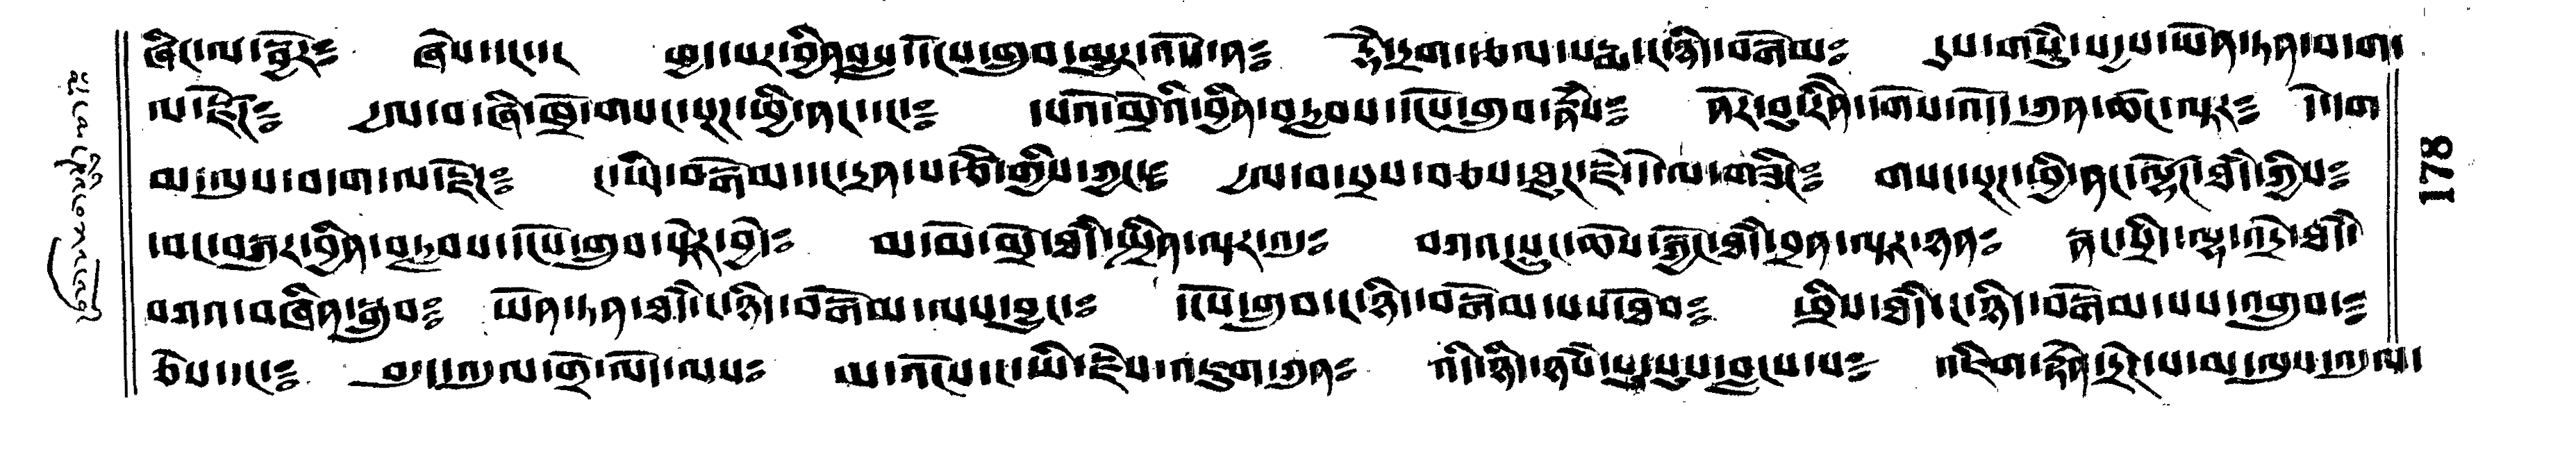ཞིང་ལ་སྦྱོར༔ ཞེས་དང་། ཁྱད་པར་བྱིན་རླབས་དངོས་གྲུབ་མྱུར་འདོད་ན༔ རྡོ་རྗེ་དྲག་རྩལ་པདྨ་ང་ཉིད་སྒོམས༔ དུས་གསུམ་སངས་རྒྱས་ཡོན་ཏན་བདག་
ལ་རྫོགས༔ ང་ཉིད་སྒོམ་དང་དྲན་པ་ཙམ་གྱིས་ཀྱང༔ རྒྱལ་བ་ཞི་ཁྲོ་གསང་སྔགས་ཕྱི་ནང་དང༔ དཔའ་བོ་མཁའ་འགྲོའྀ་བྱིན་རླབས་དངོས་གྲུབ་རྣམས༔ ནོར་བུ་རིན་ཆེན་དགོས་འདོད་ཀུན་ཚང་ལྟར༔ དེ་དག་
མ་ལུས་ཐམས་ཅད་བདག ལ་རྫོགས༔ ང་ཉིད་སྒོམ་དང་དྲན་པ་ཙམ་གྱིས་ཀྱང༔ རྒྱལ་བ་སྲས་བཅས་ཐུགས་རྗེ་དེ་ལ་གཟིགས༔ གསང་སྔགས་ཕྱི་ནང་ལྷ་ཚོགས་ཐམས་ཅད་ཀྱིས༔ 
དབང་བསྐུར་བྱིན་རླབས་དངོས་གྲུབ་སྟེར་བར་བྱེད༔ མ་མོ་མཁའ་འགྲོ་ཐམས་ཅད་སྤྲིན་ལྟར་དུ༔ བཀའ་སྲུང་ཆོས་སྐྱོང་ཐམས་ཅད་བྲན་ལྟར་ཉན༔སྣང་སྲིད་ལྷ་འདྲེ་ཐམས་ཅད་
བཀའ་བཞིན་སྒྲུབ༔ ཡོན་ཏན་ཐམས་ཅད་ང་ཉིད་བསྒོམས་ལས་བྱུང༔ དངོས་གྲུབ་ཐམས་ཅད་ང་ཉིད་བསྒོམས་པས་འཐོབ༔ ཕྲིན་ལས་ཐམས་ཅད་ང་ཉིད་བསྒོམས་པས་འགྲུབ་༔ 
ཅེས་དང་། བདུད་འདུལ་གྲོ་ལོད་ལས། མ་འོངས་ང་ཡི་རྗེས་འཇུག་ཀུན༔ འདི་ཉིད་ཉམས་སུ་སུས་བླངས་པ༔ འཇིག་རྟེན་དྲེགས་པ་མ་ལུས་འདུལ་